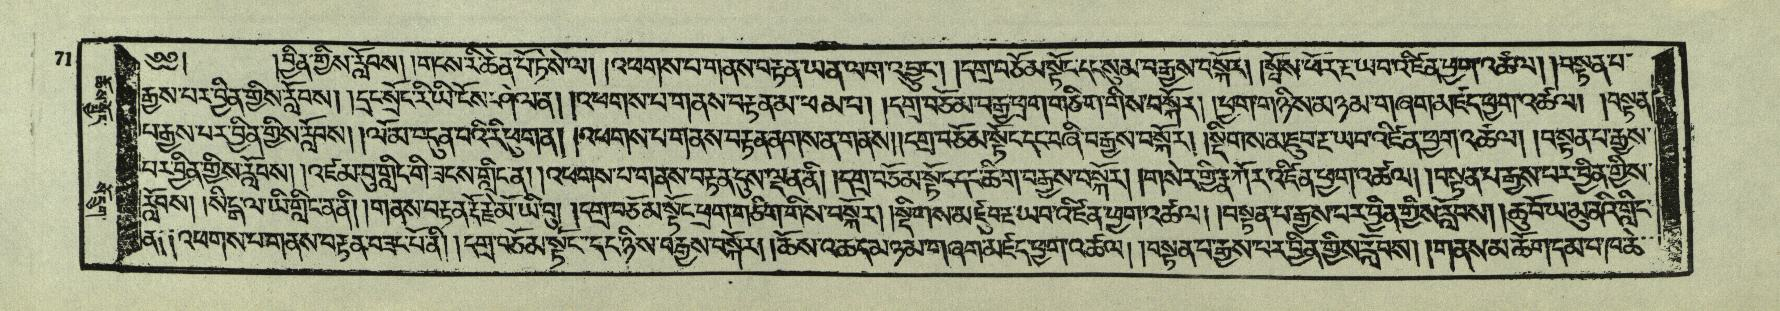༄༅། །བྱིན་གྱིས་རློབས། །གངས་རི་ཆེན་པོ་ཏེ་སེ་ལ། །འཕགས་པ་གནས་བརྟན་ཡན་ལག་འབྱུང་། །དགྲ་བཅོམ་སྟོང་དང་སུམ་བརྒྱས་བསྐོར། །སྤོས་ཕོར་རྔ་ཡབ་འཛིན་ཕྱག་འཚལ། །བསྟན་པ་
རྒྱས་པར་བྱིན་གྱིས་རློབས། །དྲང་སྲོང་རི་ཡི་ངོས་ཤེལ་ན། །འཕགས་པ་གནས་བརྟན་མ་ཕམ་པ། །དགྲ་བཅོམ་བརྒྱ་ཕྲག་གཅིག་གིས་བསྐོར། །ཕྱག་གཉིས་མཉམ་གཞག་མཛད་ཕྱག་འཚལ། །བསྟན་
པ་རྒྱས་པར་བྱིན་གྱིས་རློབས། །ལོ་མ་བདུན་པའི་རི་ཕུག་ན། །འཕགས་པ་གནས་བརྟན་ནགས་ན་གནས། །དགྲ་བཅོམ་སྟོང་དང་བཞི་བརྒྱས་བསྐོར། །སྡིགས་མཇུབ་རྔ་ཡབ་འཛིན་ཕྱག་འཚལ། །བསྟན་པ་རྒྱས་
པར་བྱིན་གྱིས་རློབས། །འཛམ་བུ་གླིང་གི་ཟངས་གླིང་ན། །འཕགས་པ་གནས་བརྟན་དུས་ལྡན་ནི། །དགྲ་བཅོམ་སྟོང་དང་ཆིག་བརྒྱས་བསྐོར། །གསེར་གྱི་རྣ་ཀོར་འཛིན་ཕྱག་འཚལ། །བསྟན་པ་རྒྱས་པར་བྱིན་གྱིས་
རློབས། །སིངྒ་ལ་ཡི་གླིང་ན་ནི། །གནས་བརྟན་རྡོ་རྗེ་མོ་ཡི་བུ། །དགྲ་བཅོམ་སྟོང་ཕྲག་གཅིག་གིས་བསྐོར། །སྡིགས་མཛུབ་རྔ་ཡབ་འཛིན་ཕྱག་འཚལ། །བསྟན་པ་རྒྱས་པར་བྱིན་གྱིས་རློབས། །ཆུ་བོ་ཡ་མུ་ནའི་གླིང་
ན༑ ༑འཕགས་པ་གནས་བརྟན་བཟང་པོ་ནི། །དགྲ་བཅོམ་སྟོང་དང་ཉིས་བརྒྱས་བསྐོར། །ཆོས་འཆད་མཉམ་གཞག་མཛད་ཕྱག་འཚལ། །བསྟན་པ་རྒྱས་པར་བྱིན་གྱིས་རློབས། །གནས་མཆོག་དམ་པ་ཁ་ཆེ་